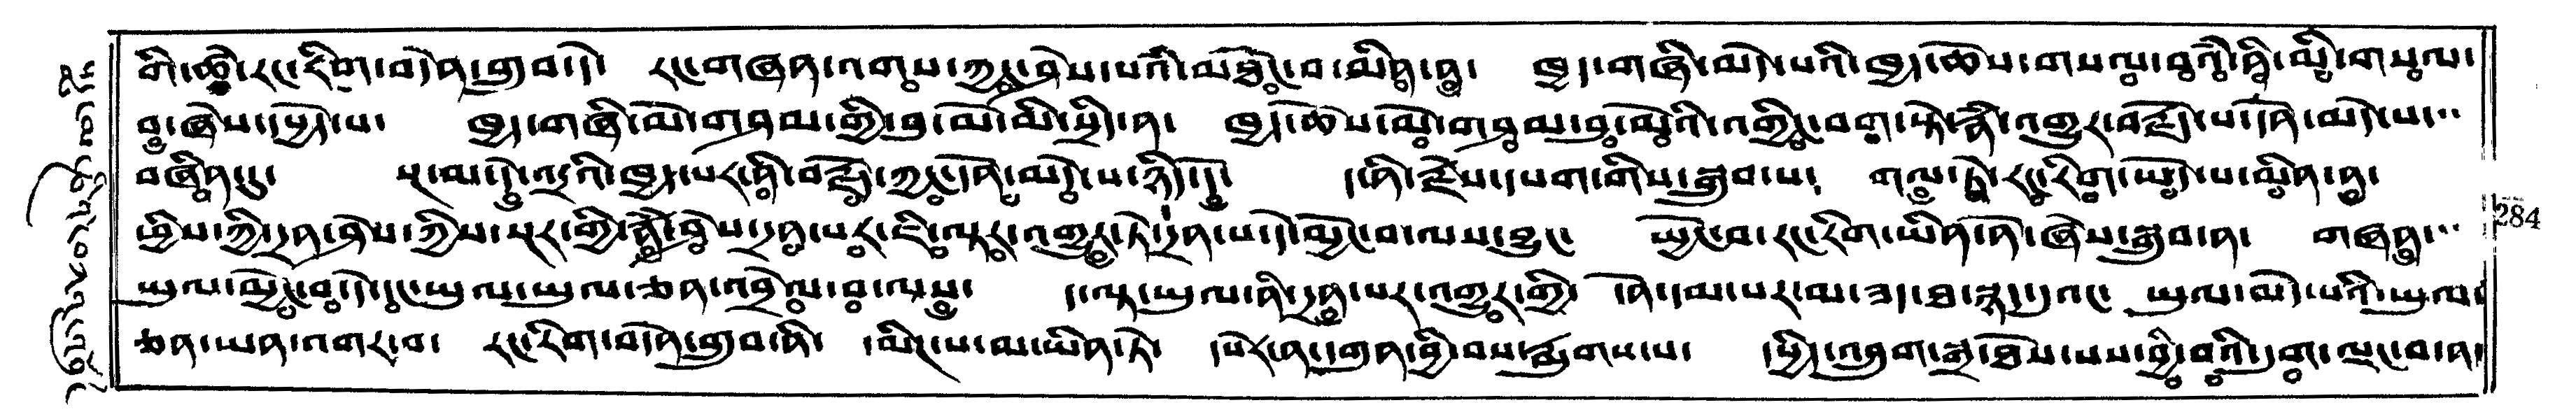གི་ཚེ་རང་རིག་བདེན་གྲུབ་དེ། རང་གཞན་འགས་ཀྱང་ཤེས་པའམ་མཐོང་བ་མིན་ན། ཁྱད་གཞི་མེད་པའི་ཁྱད་ཆོས་གསལ་
བའམ་ནི་མི་གསལ་བ་ཞེས་དཔྱོད་པ། ཁྱད་གཞི་མོ་གཤམ་གྱི་བུ་མོ་མི་སྲིད་ན། ཁྱད་ཆོས་མོ་གཤམ་བུ་མོའི་འགྱིང་བག་སྟེ་རྣམ་འགྱུར་བརྗོད་པ་དོན་མེད་པ་
བཞིན་དུ། སྔ་མ་དེ་འདྲའི་ཁྱད་པར་ནི་བརྗོད་ཀྱང་དོན་མེད་པ་ཉིད་དོ། ད་ནི་རྗེས་དཔག་གིས་སྒྲུབ་པ། གལ་ཏེ་རང་རིག་ཡོད་པ་མིན་ན་
ཕྱིས་ཀྱི་དྲན་ཤེས་ཀྱིས་སྔར་གྱི་རྣམ་ཤེས་དྲན་པར་ཇི་ལྟར་འགྱུར་ཏེ་དྲན་པ་དེ་མྱོང་བ་ལས་བྱུང་། མྱོང་བ་རང་རིག་ཡིན་ནོ་ཞེས་སྒྲུབ་ན། གཞན་
ཡུལ་མྱོང་བ་དེ་དང་ཡུལ་ཡུལ་ཅན་འབྲེལ་བ་ལས། ད་ལྟ་ཡུལ་ནི་དྲན་པར་འགྱུར་གྱི་དོན་དམ་པར་མ་ཟད་ཐ་སྙད་དུའང་ཡུལ་མེད་པའི་ཡུལ་
ཅན་ཡན་གར་བ། རང་རིག་བདེན་གྲུབ་ནི་དམིགས་པ་མ་ཡིན་ཏེ། དཔེར་ན་དགུན་བྱི་བས་རྨུགས་པ་དཔྱིད་འབྲུག་སྒྲ་ཐོས་པས་བྱི་བའི་དུག་ལྡང་བ་ན་